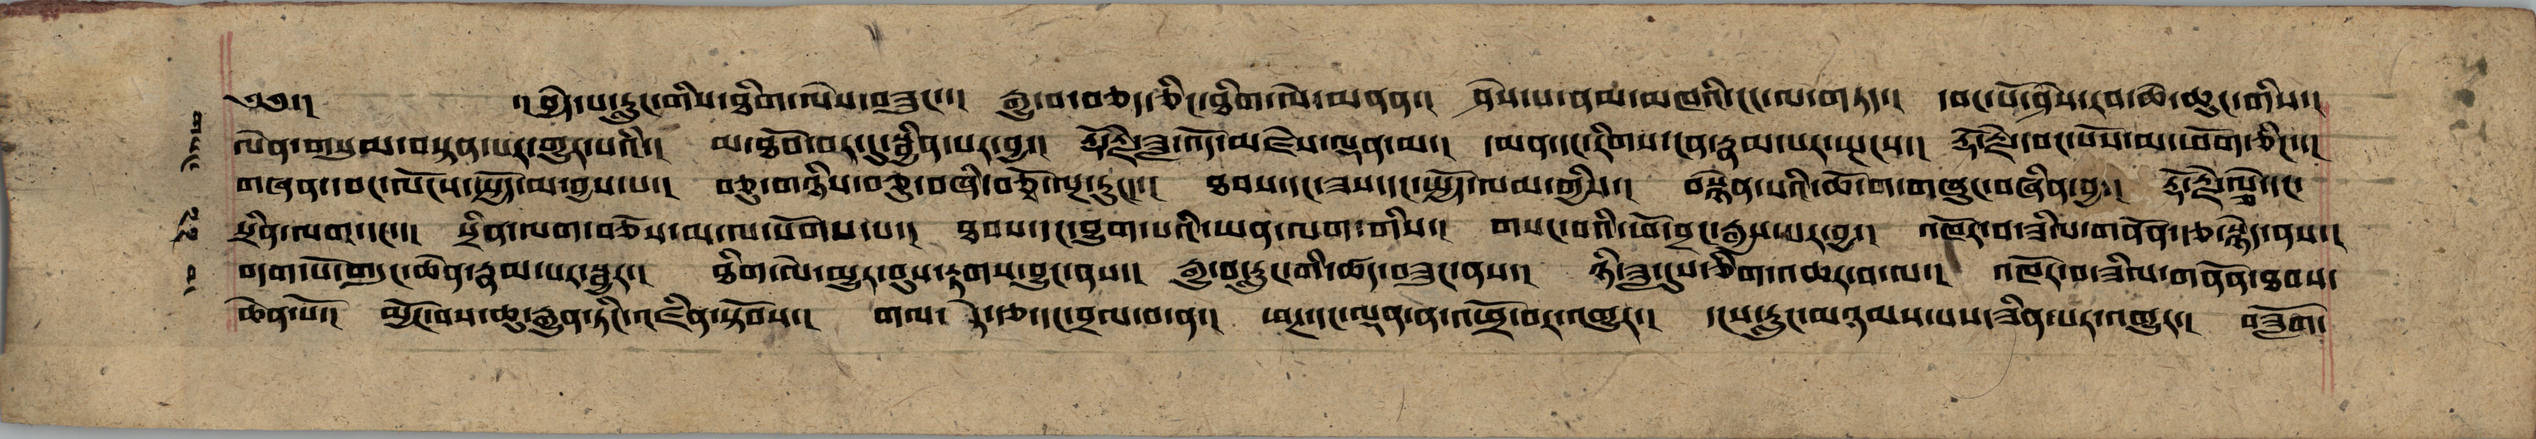༄༅་། ་།བྱེད་པ་རླུང་གིས་ཐིག་ལེས་བཟུང་་། རྒྱུ་བ་བཅད་ཅིང་ཐིག་ལེ་མནན་། ཤེས་པ་ནམ་མཁའི་ངང་ལ་གཏད་། དབང་པོ་ཤེས་རབ་ཆེ་ཆུང་གིས་།
ལེན་གསུམ་བསྟན་པར་གྱུར་པའཾ་། མ་ཐོབ་བར་དུ་སྦྱིན་པར་བྱ་། རྡོ་རྗེ་ཟླ་འོད་མཛེས་ལྡན་མ་། དམན་དང་རིགས་ངན་རྣམ་པར་སྤངས་། རྡོ་རྗེ་དབང་པོས་མ་ཕོག་ཅིང་་།
གཞན་དབང་ལོངས་སྤྱོད་མ་བྱས་པ་། བཅུ་གཉིས་བཅུ་བཞི་བཅྭོ་ལྔ་རུང་་། ཐབས་དང་ཟས་དང་སྤྱོད་ལམ་གྱིས་། བསྙེན་པའི་ཆོ་ག་གཞུང་བཞིན་བྱ་། རྡོ་རྗེ་ལྕེ་དང་
སྲིན་ལག་དང་་། སྲིན་ལག་བཅོས་མ་ལ་སོགས་པ་། ཐབས་དང་བྱུག་པའི་ཡན་ལག་གིས་། གསང་བའི་ཕོ་བྲང་རྒྱས་པར་བྱ་། འཁོར་བ་ཟིལ་གནོན་རྩ་སྙེད་ནས་།
བདག་པོ་གདུང་ཆེན་རྣམ་པར་སྦྱར་། ཐིག་ལེ་མྱུར་བུས་རྟགས་བྱུང་ནས་། རྒྱུ་བ་རླུང་གི་ཚད་བཟུང་ནས་། ཉི་ཟླ་དུས་ཅིག་འཆར་བ་ལ་། འཁོར་བ་ཟིལ་གནོན་ཐབས་
ཆེན་པོ་། མྱོང་བས་ཆུ་རྒྱུན་ཏིང་འཛིན་སྟོབས་། གལ་ ཏེ་རྩ་དང་བྲལ་བ་ན་། ཕཊ་དང་ལྡན་ན་འཕྲོ་བར་འགྱུར་། དངས་རླུང་མཉམས་པས་ཟིན་པར་འགྱུར་། བཟློག་